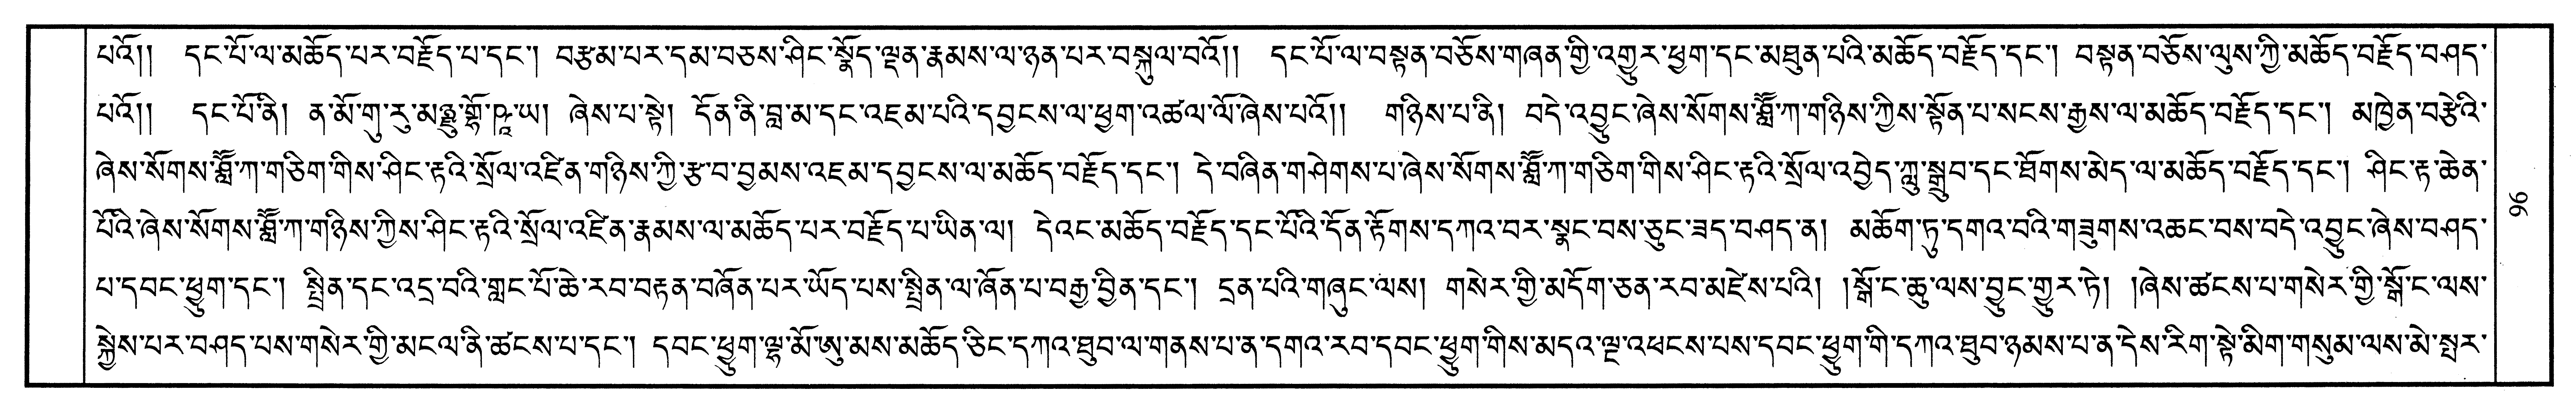པའོ།། དང་པོ་ལ་མཆོད་པར་བརྗོད་པ་དང་། བརྩམ་པར་དམ་བཅས་ཤིང་སྣོད་ལྡན་རྣམས་ལ་ཉན་པར་བསྐུལ་བའོ།། དང་པོ་ལ་བསྟན་བཅོས་གཞན་གྱི་འགྱུར་ཕྱག་དང་མཐུན་པའི་མཆོད་བརྗོད་དང་། བསྟན་བཅོས་ལུས་ཀྱི་མཆོད་བརྗོད་བཤད་
པའོ།། དང་པོ་ནི། ན་མོ་གུ་རུ་མཉྫུ་གྷོ་ཥཱ་ཡ། ཞེས་པ་སྟེ། དོན་ནི་བླ་མ་དང་འཇམ་པའི་དབྱངས་ལ་ཕྱག་འཚལ་ལོ་ཞེས་པའོ།། གཉིས་པ་ནི། བདེ་འབྱུང་ཞེས་སོགས་ཤླཽ་ཀ་གཉིས་ཀྱིས་སྟོན་པ་སངས་རྒྱས་ལ་མཆོད་བརྗོད་དང་། མཁྱེན་བརྩེའི་
ཞེས་སོགས་ཤླཽ་ཀ་གཅིག་གིས་ཤིང་རྟའི་སྲོལ་འཛིན་གཉིས་ཀྱི་རྩ་བ་བྱམས་འཇམ་དབྱངས་ལ་མཆོད་བརྗོད་དང་། དེ་བཞིན་གཤེགས་པ་ཞེས་སོགས་ཤླཽ་ཀ་གཅིག་གིས་ཤིང་རྟའི་སྲོལ་འབྱེད་ཀླུ་སྒྲུབ་དང་ཐོགས་མེད་ལ་མཆོད་བརྗོད་དང་། ཤིང་རྟ་ཆེན་
པོའི་ཞེས་སོགས་ཤླཽ་ཀ་གཉིས་ཀྱིས་ཤིང་རྟའི་སྲོལ་འཛིན་རྣམས་ལ་མཆོད་པར་བརྗོད་པ་ཡིན་ལ། དེའང་མཆོད་བརྗོད་དང་པོའི་དོན་རྟོགས་དཀའ་བར་སྣང་བས་ཅུང་ཟད་བཤད་ན། མཆོག་ཏུ་དགའ་བའི་གཟུགས་འཆང་བས་བདེ་འབྱུང་ཞེས་བཤད་
པ་དབང་ཕྱུག་དང་། སྤྲིན་དང་འདྲ་བའི་གླང་པོ་ཆེ་རབ་བརྟན་བཞོན་པར་ཡོད་པས་སྤྲིན་ལ་ཞོན་པ་བརྒྱ་བྱིན་དང་། དྲན་པའི་གཞུང་ལས། གསེར་གྱི་མདོག་ཅན་རབ་མཛེས་པའི། །སྒོ་ང་ཆུ་ལས་བྱུང་གྱུར་ཏེ། །ཞེས་ཚངས་པ་གསེར་གྱི་སྒོ་ང་ལས་
སྐྱེས་པར་བཤད་པས་གསེར་གྱི་མངལ་ནི་ཚངས་པ་དང་། དབང་ཕྱུག་ལྷ་མོ་ཨུ་མས་མཆོད་ཅིང་དཀའ་ཐུབ་ལ་གནས་པ་ན་དགའ་རབ་དབང་ཕྱུག་གིས་མདའ་ལྔ་འཕངས་པས་དབང་ཕྱུག་གི་དཀའ་ཐུབ་ཉམས་པ་ན་དེས་རིག་སྟེ་མིག་གསུམ་ལས་མེ་སྤར་